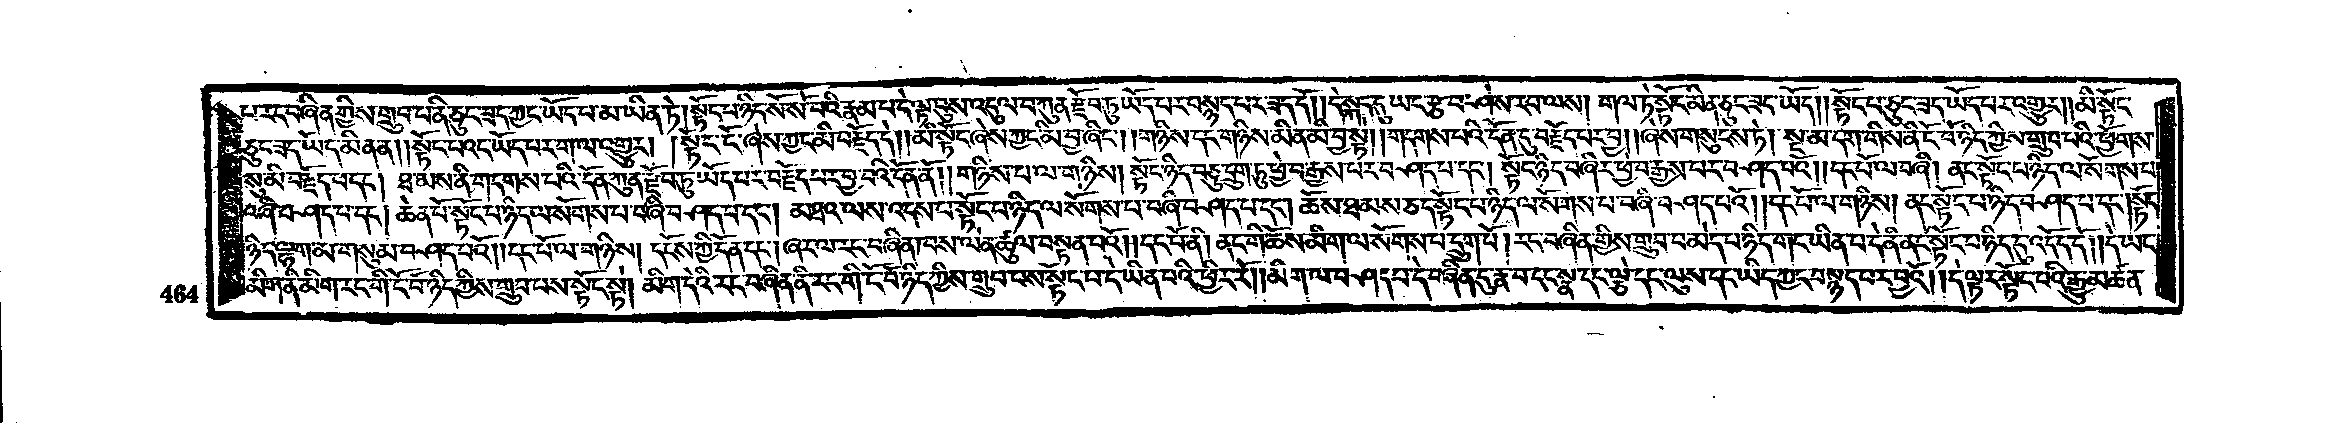པ་རང་བཞིན་ཀྱིས་གྲུབ་པ་ནི་ཅུང་ཟད་ཀྱང་ཡོད་པ་མ་ཡིན་ཏེ། སྟོང་པ་ཉིད་སོ་སོ་བའི་རྣམ་པ་དེ་ལྟ་བུས་འདུལ་བ་ཀུན་རྫོབ་ཏུ་ཡོད་པར་བསྙད་པར་ཟད་དོ། །དེ་སྐད་དུ་ཡང་རྩ་བ་ཤེས་རབ་ལས། གལ་ཏེ་སྟོང་མིན་ཅུང་ཟད་ཡོད། །སྟོང་པ་ཅུང་ཟད་ཡོད་པར་འགྱུར། །མི་སྟོང་
ཅུང་ཟང་ཡོད་མིན་ན། །སྟོང་པའང་ཡོད་པར་ག་ལ་འགྱུར། སྟོང་ངོ་ཞེས་ཀྱང་མི་བརྗོད་དེ། །མི་སྟོང་ཞེས་ཀྱང་མི་བྱ་ཞིང་། །གཉིས་དང་གཉིས་མིན་མི་བྱ་སྟེ། །གདགས་པའི་དོན་དུ་བརྗོད་པར་བྱ། །ཞེས་གསུངས་ཏེ། སྔ་མ་དག་གིས་ནི་ངོ་བོ་ཉིད་ཀྱིས་གྲུབ་པའི་ཕྱོགས་
སུ་མི་བརྗོད་པ་དང་། ཐ་མས་ནི་གདགས་པའི་དོན་ཀུན་རྫོབ་ཏུ་ཡོད་པར་བརྗོད་པར་བྱ་བའི་དོན་ནོ། །གཉིས་པ་ལ་གཉིས། སྟོང་ཉིད་བཅུ་དྲུག་ཏུ་ཕྱེ་བ་རྒྱས་པར་བཤད་པ་དང་། སྟོང་ཉིད་བཞིར་ཕྱེ་བ་རྒྱས་པར་བཤད་པའོ། །དང་པོ་ལ་བཞི། ནང་སྟོང་པ་ཉིད་ལ་སོགས་པ་
བཞི་བཤད་པ་དང་། ཆེན་པོ་སྟོང་པ་ཉིད་ལ་སོགས་པ་བཞི་བཤད་པ་དང་། མཐའ་ལས་འདས་པ་སྟོང་པ་ཉིད་ལ་སོགས་པ་བཞི་བཤད་པ་དང་། ཆོས་ཐམས་ཅད་སྟོང་པ་ཉིད་ལ་སོགས་པ་བཞི་བཤད་པའོ། །དང་པོ་ལ་གཉིས། ནང་སྟོང་པ་ཉིད་བཤད་པ་དང་། སྟོང་
ཉིད་ལྷག་མ་གསུམ་བཤད་པའོ། །དང་པོ་ལ་གཉིས། དངོས་ཀྱི་དོན་དང་། ཞར་ལ་རང་བཞིན་ཁས་ལེན་ཚུལ་བསྟན་པའོ། །དང་པོ་ནི། ནང་གི་ཆོས་མིག་ལ་སོགས་པ་དྲུག་པོ། རང་བཞིན་གྱིས་གྲུབ་པ་མེད་པ་ཉིད་གང་ཡིན་པ་དེ་ནི་ནང་སྟོང་པ་ཉིད་དུ་འདོད་དོ། །དེ་ཡང་
མིག་ནི་མིག་རང་གི་ངོ་བོ་ཉིད་ཀྱིས་གྲུབ་པས་སྟོང་སྟེ། མིག་དེའི་རང་བཞིན་ནི་རང་གི་ངོ་བོ་ཉིད་ཀྱིས་གྲུབ་བས་སྟོང་པ་དེ་ཡིན་པའི་ཕྱིར་རོ། །མིག་ལ་བཤད་པ་དེ་བཞིན་དུ་རྣ་བ་དང་སྣ་དང་ལྕེ་དང་ལུས་དང་ཡིད་ཀྱང་བསྙད་པར་བྱའོ། །དེ་ལྟར་སྟོང་པའི་རྒྱུ་མཚན་